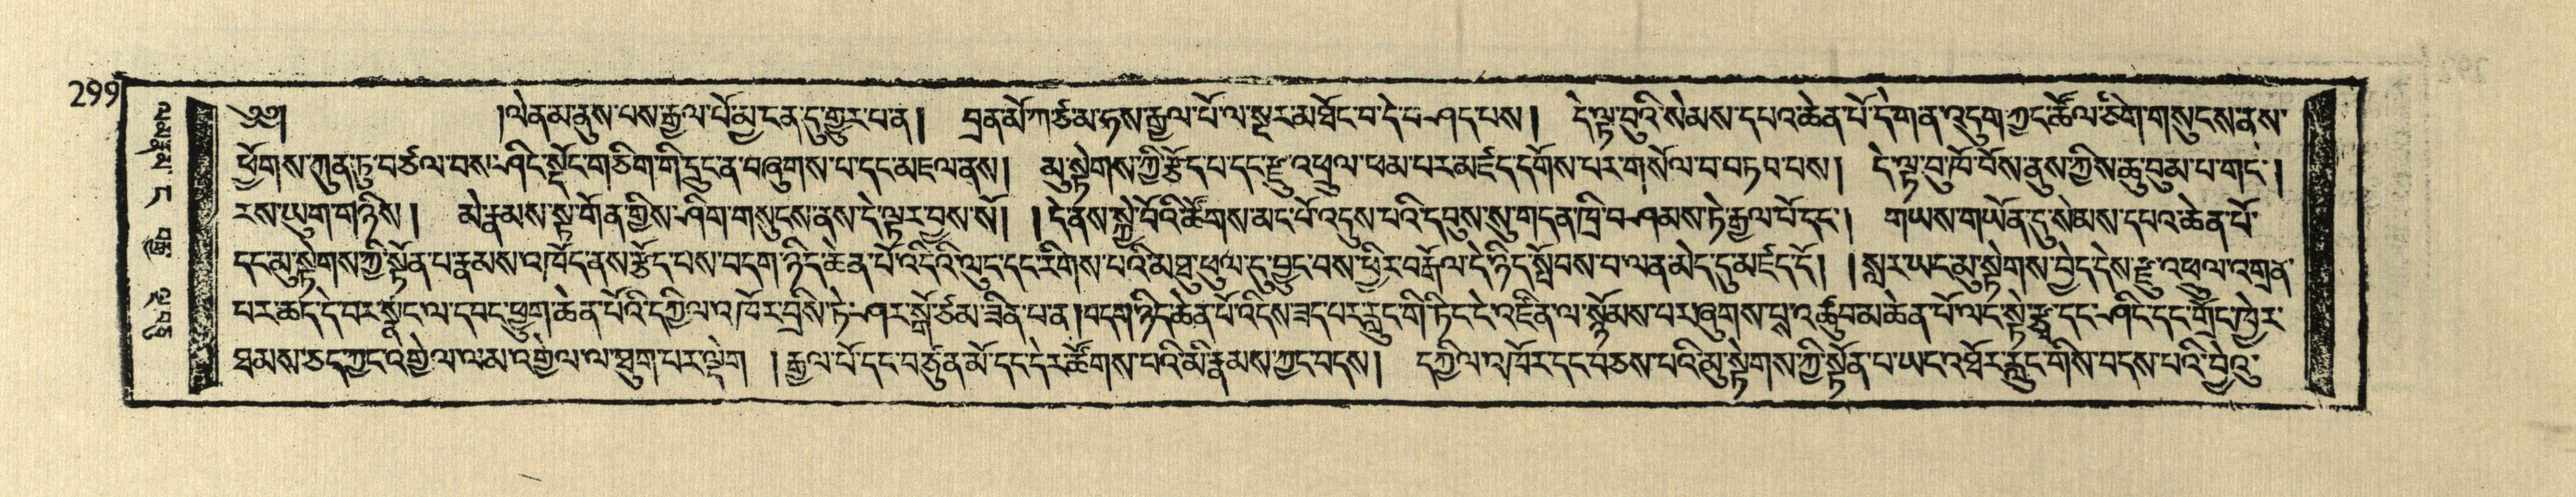༄༅། །ལེན་མ་ནུས་པས་རྒྱལ་པོ་མྱ་ངན་དུ་གྱུར་པ་ན། བྲན་མོ་ཀ་ཙམ་ཧ་ས་རྒྱལ་པོ་ལ་སྔར་མཐོང་བ་དེ་བཤད་པས། དེ་ལྟ་བུའི་སེམས་དཔའ་ཆེན་པོ་དེ་ག་ན་འདུག་ཀྱང་ཚོལ་ཅིག་གསུངས་ནས་
ཕྱོགས་ཀུན་ཏུ་བཙལ་བས་ཤིང་སྡོང་གཅིག་གི་དྲུང་ན་བཞུགས་པ་དང་མཇལ་ནས། མུ་སྟེགས་ཀྱི་རྩོད་པ་དན་རྫུ་འཕྲུལ་ཕམ་པར་མཛད་དགོས་པར་གསོལ་བ་བཏབ་པས། དེ་ལྟ་བུ་ཁོ་བོས་ནུས་ཀྱིས་ཆུ་བུམ་པ་གང་།
རས་ཡུག་གཉིས། མེ་རྣམས་སྟ་གོན་གྱིས་ཤིག་གསུངས་ནས་དེ་ལྟར་བྱས་སོ། །དེ་ནས་སྐྱེ་བོའི་ཚོགས་མང་པོ་འདུས་པའི་དབུས་སུ་གདན་ཁྲི་བཤམས་ཏེ་རྒྱལ་པོ་དང་། གཡས་གཡོན་དུ་སེམས་དཔའ་ཆེན་པོ་
དང་མུ་སྟེགས་ཀྱི་སྟོན་པ་རྣམས་འཁོད་ནས་རྩོད་པས་བདག་ཉིད་ཆེན་པོ་འདིའི་ལུང་དང་རིགས་པའི་མཐུ་ཕུལ་དུ་བྱུང་བས་ཕྱིར་བརྒོལ་དེ་ཉིད་སྤོབས་བ་ལན་མེད་དུ་མཛད་དོ། །སླར་ཡང་མུ་སྟེགས་བྱེད་དེས་རྫུ་འཕྲུལ་འགྲན་
པར་ཆད་དེ་བར་སྣང་ལ་དབང་ཕྱུག་ཆེན་པོའི་དཀྱིལ་འཁོར་བྲིས་ཏེ་ཤར་སྒོ་ཙམ་ཟིན་པ་ན། བདག་ཉིད་ཆེན་པོ་འདིས་ཟད་པར་རླུང་གི་ཏིང་ངེ་འཛིན་ལ་སྙོམས་པར་ཞུགས་པས་འཚུབ་མ་ཆེན་པོ་ལང་སྟེ་རྩྭ་དང་ཤིང་དང་གྲོང་ཁྱེར་
ཐམས་ཅད་ཀྱང་འགྱེལ་ལམ་འགྱེལ་ལ་ཐུག་པར་ལྡེག །རྒྱལ་པོ་དང་བཙུན་མོ་དང་དེར་ཚོགས་པའི་མི་རྣམས་ཀྱང་བདས། དཀྱིལ་འཁོར་དང་བཅས་པའི་མུ་སྟེགས་ཀྱི་སྟོན་པ་ཡང་འཐོར་རླུང་གིས་བདས་པའི་བྱེའུ་